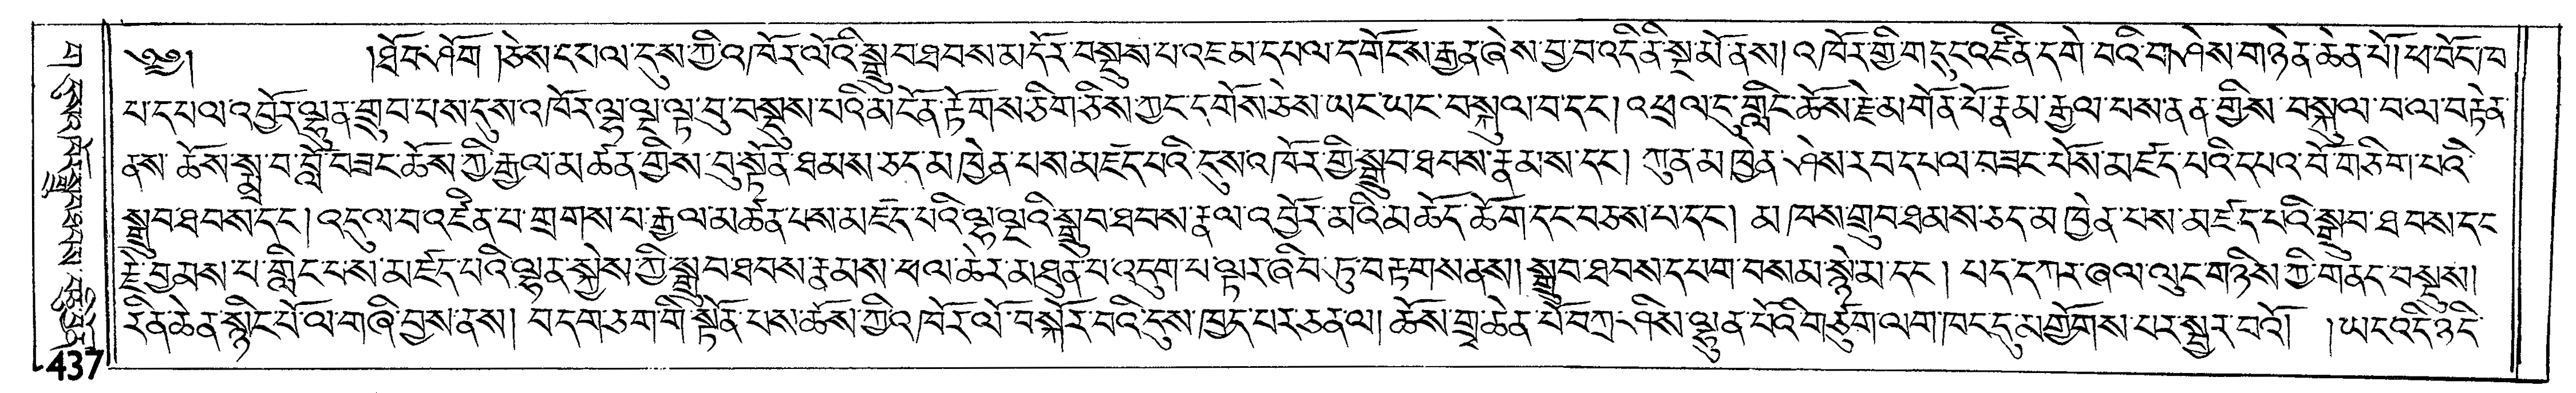༄༅། །ཐོབ་ཤོག །ཅེས་དཔལ་དུས་ཀྱི་འཁོར་ལོའི་སྒྲུབ་ཐབས་མདོར་བསྡུས་པ་འཇམ་དཔལ་དགོངས་རྒྱན་ཞེས་བྱ་བ་འདི་ནི་སྔ་མོ་ནས། འཁོར་གྱི་གདུང་འཛིན་དགེ་བའི་གཤེས་གཉེན་ཆེན་པོ། ཕ་བོང་ཁ་
པ་དཔལ་འབྱོར་ལྷུན་གྲུབ་པས་དུས་འཁོར་ལྷ་ལྔ་ལྟ་བུ་བསྡུས་པའི་མངོན་རྟོགས་ཅིག་ཅིས་ཀྱང་དགོས་ཅེས་ཡང་ཡང་བསྐུལ་བ་དང་། འཕྲལ་དུ་གླིང་ཆོས་རྗེ་མགོན་པོ་རྣམ་རྒྱལ་པས་ནན་གྱིས་བསྐུལ་བ་ལ་བརྟེན་
ནས་ཆོས་སྨྲ་བ་བློ་བཟང་ཆོས་ཀྱི་རྒྱལ་མཚན་གྱིས་བུ་སྟོན་ཐམས་ཅད་མཁྱེན་པས་མཛད་པའི་དུས་འཁོར་གྱི་སྒྲུབ་ཐབས་རྣམས་དང་། ཀུན་མཁྱེན་ཤེས་རབ་དཔལ་བཟང་པོས་མཛད་པའི་དཔའ་བོ་གཅིག་པའི་
སྒྲུབ་ཐབས་དང་། འདུལ་བ་འཛིན་པ་གྲགས་པ་རྒྱལ་མཚན་པས་མཛད་པའི་ལྷ་ལྔའི་སྒྲུབ་ཐབས་རྣལ་འབྱོར་མའི་མཆོད་ཆོག་དང་བཅས་པ་དང་། མཁས་གྲུབ་ཐམས་ཅད་མཁྱེན་པས་མཛད་པའི་སྒྲུབ་ཐབས་དང་
རྗེ་བྱམས་པ་གླིང་པས་མཛད་པའི་ལྷན་སྐྱེས་ཀྱི་སྒྲུབ་ཐབས་རྣམས་ཕལ་ཆེར་མཐུན་པ་འདུག་པ་ལྟར་ཞིབ་ཏུ་བརྟགས་ནས། སྒྲུབ་ཐབས་དཔག་བསམ་སྙེ་མ་དང་། པད་དཀར་ཞལ་ལུང་གཉིས་ཀྱི་གནད་བསྡུས།
རིན་ཆེན་སྙིང་པོ་ལ་གཞི་བྱས་ནས། བདག་ཅག་གི་སྟོན་པས་ཆོས་ཀྱི་འཁོར་ལོ་བསྐོར་བའི་དུས་ཁྱད་པར་ཅན་ལ། ཆོས་གྲྭ་ཆེན་པོ་བཀྲ་ཤིས་ལྷུན་པོའི་གཙུག་ལག་ཁང་དུ་མགྱོགས་པར་སྦྱར་བའོ། །ཡང་འདི་ཉིད་